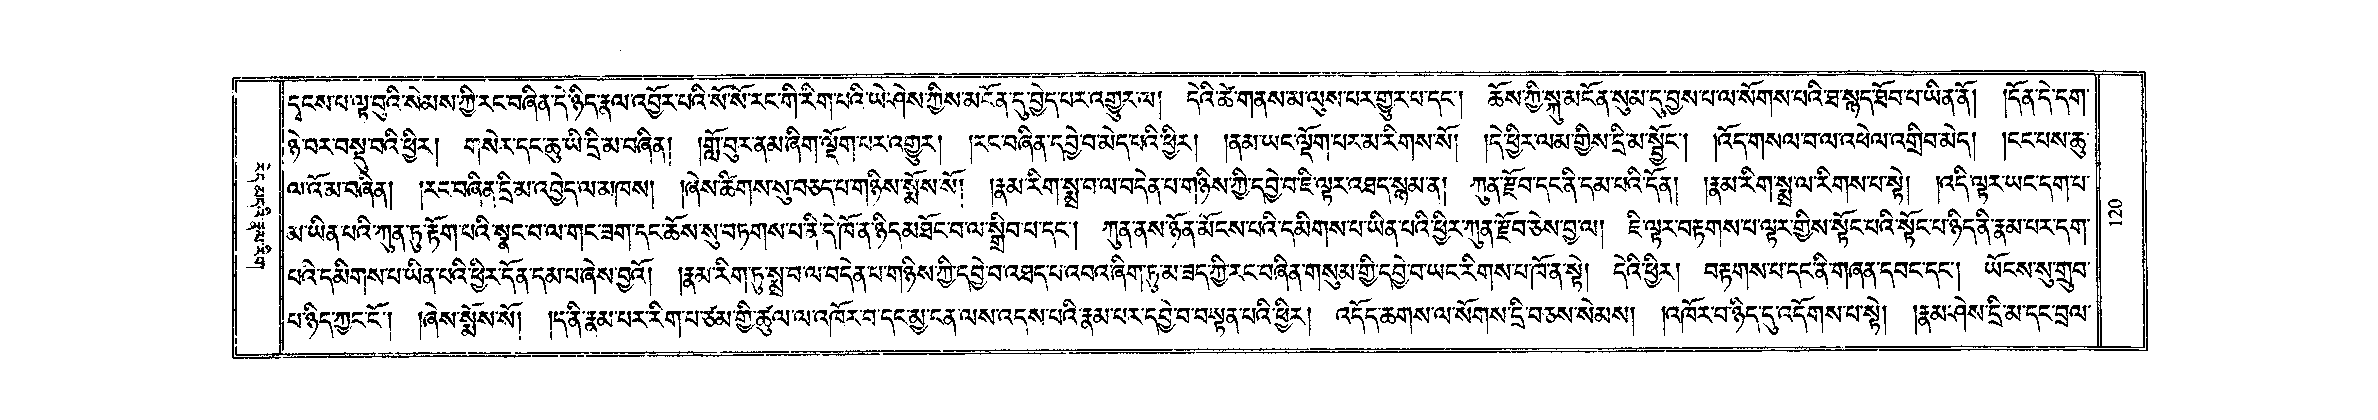དྭངས་པ་ལྟ་བུའི་སེམས་ཀྱི་རང་བཞིན་དེ་ཉིད་རྣལ་འབྱོར་པའི་སོ་སོ་རང་གི་རིག་པའི་ཡེ་ཤེས་ཀྱིས་མངོན་དུ་བྱེད་པར་འགྱུར་ལ། དེའི་ཚེ་གནས་མ་ལུས་པར་གྱུར་པ་དང་། ཆོས་ཀྱི་སྐུ་མངོན་སུམ་དུ་བྱས་པ་ལ་སོགས་པའི་ཐ་སྙད་ཐོབ་པ་ཡིན་ནོ། །དོན་དེ་དག་
ཉེ་བར་བསྡུ་བའི་ཕྱིར། གསེར་དང་ཆུ་ཡི་དྲི་མ་བཞིན། །གློ་བུར་ནམ་ཞིག་ལྡོག་པར་འགྱུར། །རང་བཞིན་དབྱེ་བ་མེད་པའི་ཕྱིར། །ནམ་ཡང་ལྡོག་པར་མ་རིགས་སོ། །དེ་ཕྱིར་ལམ་གྱིས་དྲི་མ་སྦྱོང་། །འོད་གསལ་བ་ལ་འཕེལ་འགྲིབ་མེད། །ངང་པས་ཆུ་
ལ་འོ་མ་བཞིན། །རང་བཞིན་དྲི་མ་འབྱེད་ལ་མཁས། །ཞེས་ཚིགས་སུ་བཅད་པ་གཉིས་སྨོས་སོ། །རྣམ་རིག་སྨྲ་བ་ལ་བདེན་པ་གཉིས་ཀྱི་དབྱེ་བ་ཇི་ལྟར་འཐད་སྙམ་ན། ཀུན་རྫོབ་དང་ནི་དམ་པའི་དོན། །རྣམ་རིག་སྨྲ་ལ་རིགས་པ་སྟེ། །འདི་ལྟར་ཡང་དག་པ་
མ་ཡིན་པའི་ཀུན་ཏུ་རྟོག་པའི་སྣང་བ་ལ་གང་ཟག་དང་ཆོས་སུ་བཏགས་པ་ནི་དེ་ཁོ་ན་ཉིད་མཐོང་བ་ལ་སྒྲིབ་པ་དང་། ཀུན་ནས་ཉོན་མོངས་པའི་དམིགས་པ་ཡིན་པའི་ཕྱིར་ཀུན་རྫོབ་ཅེས་བྱ་ལ། ཇི་ལྟར་བརྟགས་པ་ལྟར་གྱིས་སྟོང་པའི་སྟོང་པ་ཉིད་ནི་རྣམ་པར་དག་
པའི་དམིགས་པ་ཡིན་པའི་ཕྱིར་དོན་དམ་པ་ཞེས་བྱའོ། །རྣམ་རིག་ཏུ་སྨྲ་བ་ལ་བདེན་པ་གཉིས་ཀྱི་དབྱེ་བ་འཐད་པ་འབའ་ཞིག་ཏུ་མ་ཟད་ཀྱི་རང་བཞིན་གསུམ་གྱི་དབྱེ་བ་ཡང་རིགས་པ་ཁོ་ན་སྟེ། དེའི་ཕྱིར། བརྟགས་པ་དང་ནི་གཞན་དབང་དང་། ཡོངས་སུ་གྲུབ་
པ་ཉིད་ཀྱང་ངོ། །ཞེས་སྨོས་སོ། །ད་ནི་རྣམ་པར་རིག་པ་ཙམ་གྱི་ཚུལ་ལ་འཁོར་བ་དང་མྱ་ངན་ལས་འདས་པའི་རྣམ་པར་དབྱེ་བ་བསྟན་པའི་ཕྱིར། འདོད་ཆགས་ལ་སོགས་དྲི་བཅས་སེམས། །འཁོར་བ་ཉིད་དུ་འདོགས་པ་སྟེ། །རྣམ་ཤེས་དྲི་མ་དང་བྲལ་